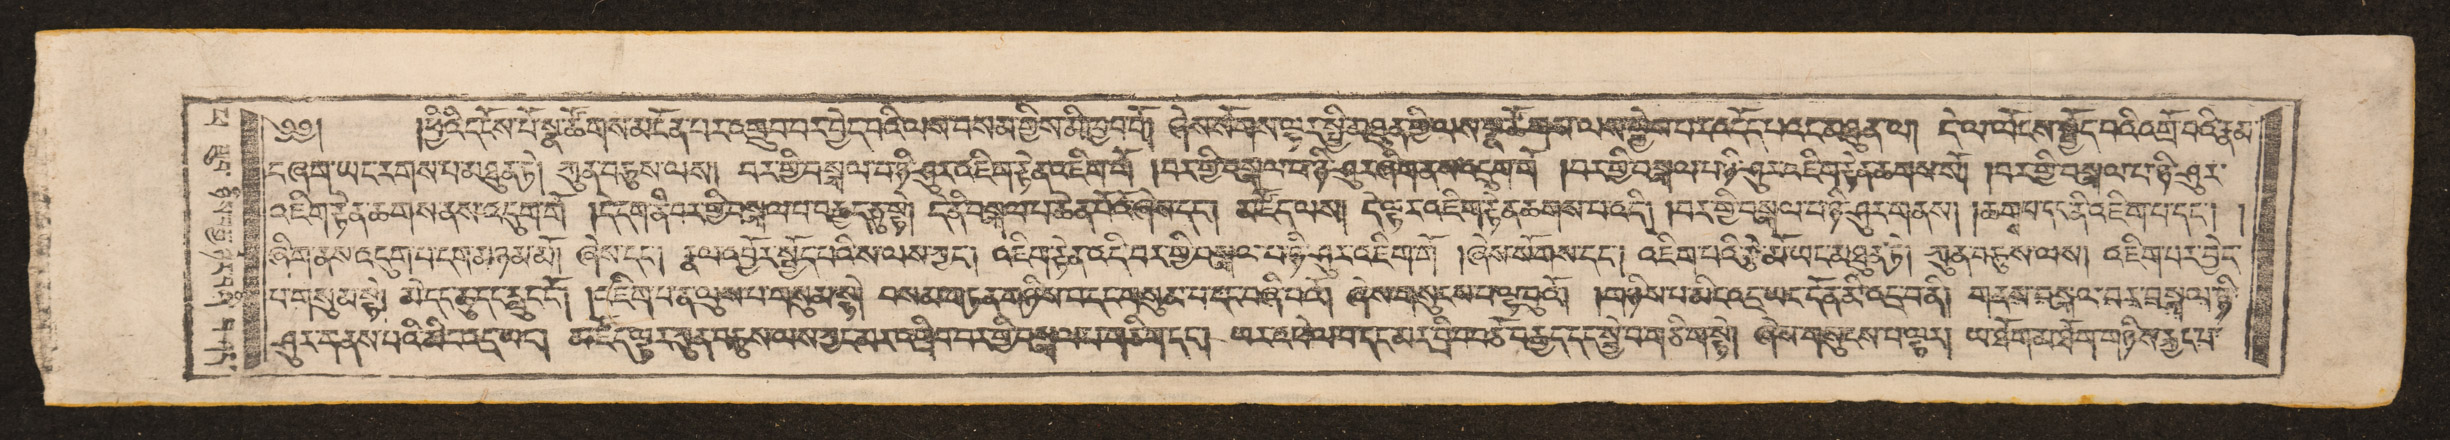༄༅། །ཕྱིའི་དངོས་པོ་སྣ་ཚོགས་མངོན་པར་འགྲུབ་པར་བྱེད་པའི་ལས་བསམ་གྱིས་མི་ཁྱབ་བོ། ཞེས་སོགས་ལྟར་སྤྱི་མཐུན་གྱི་ལས་སྣ་ཚོགས་ལས་སྐྱེས་པར་འདོད་པའང་མཐུན་ལ། དེ་ལ་ལོངས་སྤྱོད་པའི་འགྲོ་བའི་རྣམ་
བཞག་ཡང་རགས་པ་མཐུན་ཏེ། ཀུན་བཏུས་ལས། བར་གྱི་བསྐལ་པ་ཉི་ཤུར་འཇིག་རྟེན་འཇིག་གོ །བར་གྱི་བསྐལ་པ་ཉི་ཤུར་ཞིག་ནས་འདུག་གོ །བར་གྱི་བསྐལ་པ་ཉི་ཤུར་འཇིག་རྟེན་ཆགས་སོ། །བར་གྱི་བསྐལ་པ་ཉི་ཤུར་
འཇིག་རྟེན་ཆགས་ནས་འདུག་གོ །དེ་དག་ནི་བར་གྱི་བསྐལ་པ་བརྒྱད་ཅུ་སྟེ། དེ་ནི་བསྐལ་པ་ཆེན་པོའོ་ཞེས་དང་། མཛོད་ལས། དེ་ལྟར་འཇིག་རྟེན་ཆགས་པ་འདི། །བར་གྱི་བསྐལ་པ་ཉི་ཤུར་གནས། །ཆག་པ་དང་ནི་འཇིག་པ་དང་། །
ཞིག་ནས་འདུག་པ་དག་མཉམ་མོ། ཞེས་དང་། རྣལ་འབྱོར་སྤྱོད་པའི་ས་ལས་ཀྱང་། འཇིག་རྟེན་འདི་བར་གྱི་བསྐལ་པ་ཉི་ཤུར་འཇིག་གོ །ཞེས་སོགས་དང་། འཇིག་པའི་རྩེ་མོ་ཡང་མཐུན་ཏེ། ཀུན་བཏུས་ལས། འཇིག་པར་བྱེད་
པ་གསུམ་སྟེ། མེ་དང་ཆུ་དང་རླུང་ངོ། །འཇིག་པ་ན་ལུས་པ་གསུམ་སྟེ། བསམ་གཏན་གཉིས་པ་དང་གསུམ་པ་དང་བཞི་པའོ། ཞེས་གསུངས་པ་ལྟ་བུའོ། །གཉིས་པ་མིང་འདྲ་ཡང་དོན་མི་འདྲ་བ་ནི། གནས་བསྐལ་བར་བསྐལ་ཉི་
ཤུར་གནས་པའི་མིང་འདྲ་ཡང་། མཛོད་ལྟར་ཀུན་བཏུས་ལས་ཀྱང་མར་འགྲིབ་པར་གྱི་ང་སྐལ་པ་གཅིག་དང་། ཡར་འཕེལ་བ་དང་མར་བྲི་བ་བཅོ་བརྒྱད་དང་སྐྱེ་བ་གཅིག་སྟེ། ཞེས་གསུངས་པ་ལྟར། ཡ་ཐོག་མ་ཐོག་གཉིས་རྐྱང་པ་